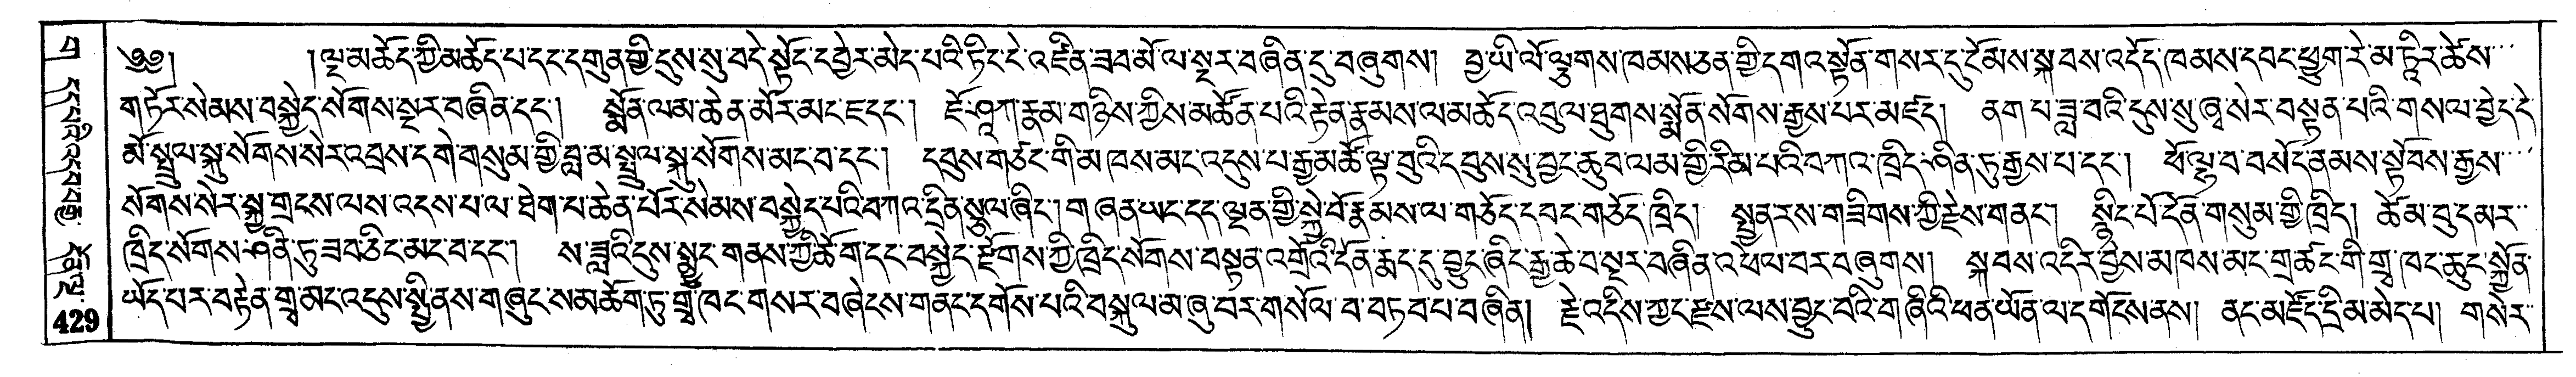༄༅། །ལྔ་མཆོད་ཀྱི་མཆོད་བ་དང་དགུན་གྱི་དུས་སུ་བདེ་སྟོང་དབྱེར་མེད་པའི་ཏིང་ངེ་འཛིན་ཟབ་མོ་ལ་སྔར་བཞིན་དུ་བཞུགས། བྱ་ཡི་ལོ་ལྕགས་ཁམས་ཅན་གྱི་དགའ་སྟོན་གསར་དུ་དོམས་སྐབས་འདོད་ཁམས་དབང་ཕྱུག་རེ་མ་ཏཱིར་ཚེས་
གཏོར་སེམས་བསྐྱེད་སོགས་སྔར་བཞིན་དང་། སྨོན་ལམ་ཆེན་མོར་མང་ཇ་དང་། ཇོ་ཤཱཀ་རྣམ་གཉིས་ཀྱིས་མཚོན་པའི་རྟེན་རྣམས་ལ་མཆོད་འབུལ་ཐུགས་སྨོན་སོགས་རྒྱས་པར་མཛད། ནག་པ་ཟླ་བའི་དུས་སུ་ཞྭ་སེར་བསྟན་པའི་གསལ་བྱེད་དེ་
མོ་སྤྲུལ་སྐུ་སོགས་སེར་འབྲས་དགེ་གསུམ་གྱི་བླ་མ་སྤྲུལ་སྐུ་སོགས་མང་བ་དང་། དབུས་གཙང་གི་མཁས་མང་འདུས་པ་རྒྱ་མཚོ་ལྟ་བུའི་དབུས་སུ་བྱང་ཆུབ་ལམ་གྱི་རིམ་པའི་བཀའ་ཁྲིད་ཤིན་ཏུ་རྒྱས་པ་དང་། ཕོ་ལྷ་བ་བསོད་ནམས་སྟོབས་རྒྱས་
སོགས་སེར་སྐྱ་གྲངས་ལས་འདས་བ་ལ་ཐེག་བ་ཆེན་པོར་སེམས་བསྐྱེད་པའི་བཀའ་དྲིན་སྩལ་ཞིང་།གཞན་ཡང་དད་ལྡན་གྱི་སྐྱེ་བོ་རྣམས་ལ་གཅོད་དབང་གཅོད་ཁྲིད། སྤྱན་རས་གཟིགས་ཀྱི་རྗེས་གནང་། སྙིང་པོ་དོན་གསུམ་གྱི་ཁྲིད། ཚེམ་བུ་དམར་
ཁྲིད་སོགས་ཤིན་ཏུ་ཟབ་ཅིང་མང་བ་དང་། ས་ཟླའི་དུས་སྨྱུང་གནས་ཀྱི་ཆོ་ག་དང་བསྐྱེད་རྫོགས་ཀྱི་ཁྲིད་སོགས་བསྟན་འགྲོའི་དོན་རྨད་དུ་བྱུང་ཞིང་རྒྱ་ཆེ་བ་སྔར་བཞིན་འཕེལ་བར་བཞུགས། སྐབས་འདིར་བྱེས་མཁས་མང་གྲྭ་ཚང་གི་གྲྭ་ཁང་ཆུང་སྐྱོན་
ཡོད་པར་བརྟེན་གྲྭ་མང་འདུས་སྤྱི་ནས་གཞུང་ས་མཆོག་ཏུ་གྲྭ་ཁང་གསར་བཞེངས་གནང་དགོས་པའི་བསྐུལ་མ་ཞུ་བར་གསོལ་བ་བཏབ་པ་བཞིན། རྗེ་འདིས་ཀྱང་རྫས་ལས་བྱུང་བའི་གཞིའི་ཕན་ཡོན་ལ་དགོངས་ནས། ནང་མཛོད་དྲི་མ་མེད་པ། གསེར་